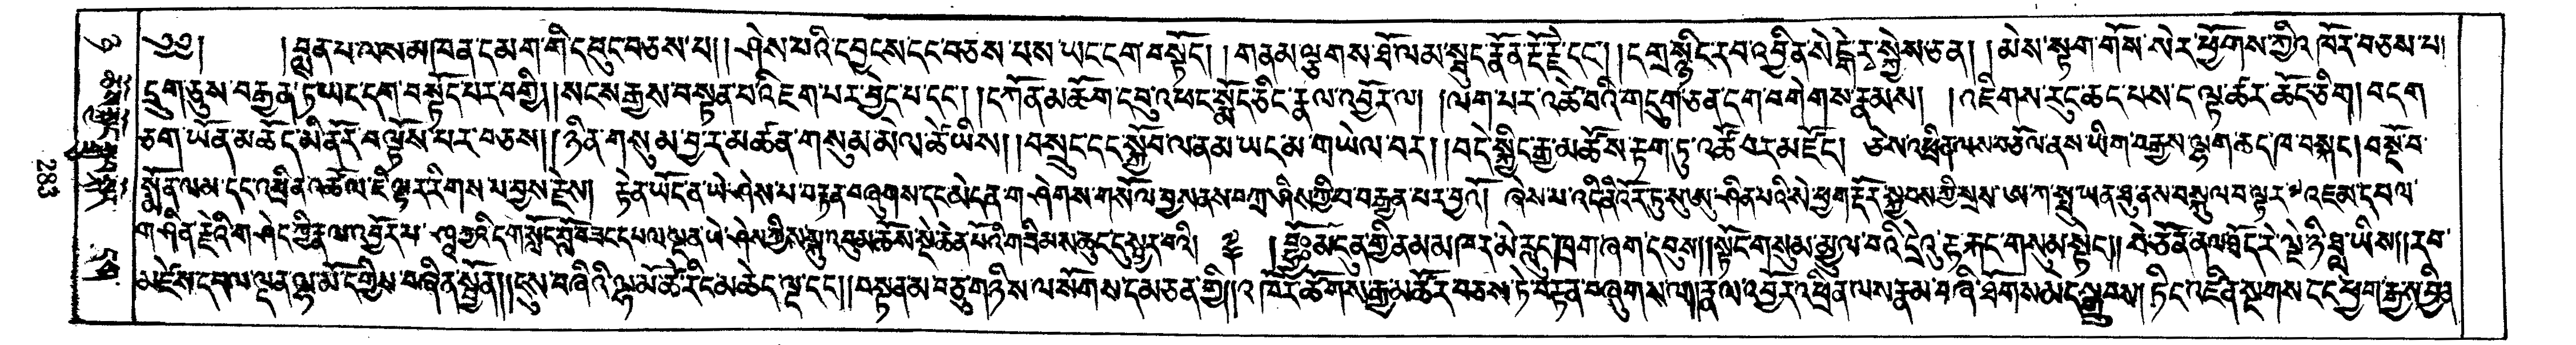༄༅། །བློན་པོ་ལས་མཁན་དམག་གི་དཔུང་བཅས་པ། །ཤིས་པའི་དབྱངས་དང་བཅས་པས་ཡང་དག་བསྟོད། །གནམ་ལྕགས་ཐོ་ལུམ་སྦུད་རྣོན་རྡོ་རྗེ་དང་། །དགྲ་སྙིང་རབ་འབྱིན་སེངྒེ་རྭ་སྐྱེས་ཅན། །མེས་སྟག་གོས་སེར་ཕྱོགས་ཀྱི་འཁོར་བཅས་པ།།
དྲུག་ཅུས་བརྒྱན་ཏེ་ཡང་དག་བསྟོད་པར་བགྱི། །སངས་རྒྱས་བསྟན་པ་འཇིག་པར་བྱེད་པ་དང་། །དཀོན་མཆོག་དབུ་འཕང་སྨོད་ཅིང་རྣལ་འབྱོར་ལ། །ལོག་པར་འཚེ་བའི་གདུག་ཅན་དགྲ་བགེགས་རྣམས། །འཇིགས་རུང་ཆད་པས་ད་ལྟ་ཚར་ཆོད་ཅིག །བདག་
ཅག་ཡོན་མཆོད་མི་ནོར་བལྟོས་པར་བཅས། །ཉིན་གསུམ་བྱར་མཚན་གསུམ་མེལ་ཚེ་ཡིས། །བསྲུང་དང་སྐྱོབ་ལ་ནམ་ཡང་མ་གཡེལ་བར། །བདེ་སྐྱིད་རྒྱ་མཚོས་རྟག་ཏུ་འཚོ་བར་མཛོད། ཅེས་འཕྲིན་ལས་བཅོལ་ནས་ཡིག་བརྒྱས་ལྷག་ཆད་ཁ་བསྐང་། བསྔོ་བ་
སྨོན་ལམ་དང་འཕྲིན་འཆོལ་ཇི་ལྟར་རིགས་པ་བྱས་རྗེས། རྟེན་ཡོད་ན་ཡེ་ཤེས་པ་བརྟན་བཞུགས་དང་མེད་ན་གཤེགས་གསོལ་བྱས་ནས་བཀྲ་ཤིས་ཀྱིས་བརྒྱན་པར་བྱའོ། ཞེས་པ་འདི་ནི་འོར་ཏུ་སུ་ཨུ་ཤིན་པའི་སེ་ཕྱག་རྡོར་སྐྱབས་ཀྱི་སྲས། ཨ་ཀ་སྤུ་ཡན་ཐུ་ནས་བསྐུལ་བ་ལྟར་འཇམ་དཔལ་
གཤིན་རྗེའི་གཤེད་ཀྱི་རྣལ་འབྱོར་པ་ཤཱཀྱའི་དགེ་སློང་བློ་བཟང་དཔལ་ལྡན་ཡེ་ཤེས་ཀྱིས་སྐུ་འབུམ་ཆོས་སྡེ་ཆེན་པོའི་གཟིམས་ཆུང་དུ་སྦྱར་བའོ།། ༈ །།བྷྱཽཿ མདུན་གྱི་ནམ་མཁར་མེ་རླུང་ཁྲག་ཞག་དབུས། །སྟོང་གསུམ་མྱུལ་བའི་དྲེའུ་རྟ་རྐང་གསུམ་སྟེང་། །བེ་ཅོན་ནལ་ཐོད་རེ་ལྡེ་ཉི་ཟླ་ཡིས། །རབ་
མཛེས་དཔལ་ལྡན་ལྷ་མོ་དགྱེས་བཞིན་སྦྱོན། །དུས་བཞིའི་ལྷ་མོ་ཚེ་རིང་མཆེད་ལྔ་དང་། །བསྟན་མ་བཅུ་གཉིས་ལ་སོགས་དམ་ཅན་གྱི། །འཁོར་ཚོགས་རྒྱ་མཚོར་བཅས་ཏེ་བརྟན་བཞུགས་ལ། །རྣལ་འབྱོར་འཕྲིན་ལས་རྣམ་བཞི་ཐོགས་མེད་སྒྲུབས། །ཏིང་འཛིན་སྔགས་དང་ཕྱག་རྒྱས་བྱིན་